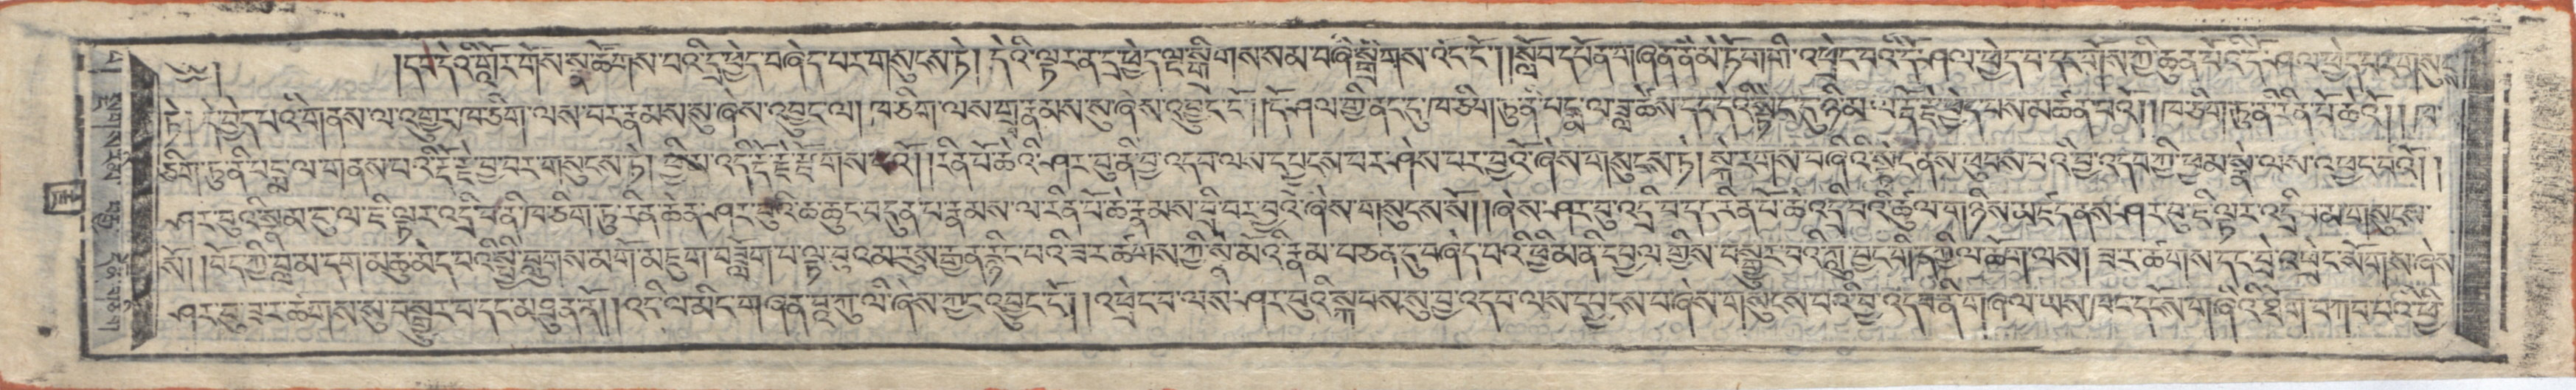༅། །དང་དེའི་གློར་གོས་སྣ་ཚོགས་པའི་དྲ་ཕྱེད་བཞེད་པར་གསུངས་ཏེ། དེའི་ལྟར་ན་དྲ་ཕྱེད་ལྔ་སྒྲིགས་སམ་བཞི་སྒྲིགས་འོང་ངོ། །སློབ་དཔོན་གཞན་ནི་མེ་ཏོག་གི་འཕྲེང་བའི་དོ་ཤལ་ཕྱེད་བ་དང་གོས་ཀྱི་ཆུན་པོའི་དོ་ཤལ་ཕྱེད་པར་གསུངས་
ཏེ། དེ་བྱེད་པའི་གནས་ལ་འགྱུར་ཁ་ཅིག་ལས་བར་རྣམས་སུ་ཞེས་འབྱུང་ལ། ཁ་ཅིག་ལས་གྲྭ་རྣམས་སུ་ཞེས་འབྱུང་ངོ། །དོ་ཤལ་གྱི་ནང་དུ་ཁ་ཅིག་ཏུ་ནི་པདམ་ལ་ཟླ་ཚེས་དང་དེའི་སྟེང་དུ་ཉི་མ་ལ་རྡོ་རྗེ་ཕྱེད་པས་མཚན་པའོ། །ཁ་ཅིག་ཏུ་ནི་རིན་པོ་ཆེའོ། །ཁ་
ཅིག་ཏུ་ནི་པདམ་ལ་གནས་པའི་རྡོ་རྗེ་བྱ་བར་གསུངས་ཏེ། ཕྱི་མ་འདི་རྡོ་རྗེ་རྫོགས་པའོ། །རིན་པོ་ཆེའི་ཤར་བུ་ནི་བྱ་འདབ་ལས་དཔྱངས་པར་ཤེས་པར་བྱའོ་ཞེས་གསུངས་ཏེ། སྐེ་རགས་བཞིའི་སྟེང་ནས་ཕུབས་པའི་བྱ་འདབ་ཀྱི་ཕྱམ་སྣེ་ལས་འཕྱང་བའོ། །
ཤར་བུའི་སྣམ་བུ་ལ་ཇི་ལྟར་འདྲི་བ་ནི་ཁ་ཅིག་ཏུ་རིན་ཆེན་ཤར་བུའི་ཆ་ཆུང་བདུན་པ་རྣམས་ལ་རིན་པོ་ཆེ་རྣམས་བྲི་བར་བྱའོ་ཞེས་གསུངས་སོ། །ཞེས་ཤར་བུ་འདྲི་བ་དང་རིན་པོ་ཆེ་འདྲི་བའི་ཚུལ་གཉིས་མཛད་ནས་ཤར་བུ་ཇི་ལྟར་འདྲི་བ་མ་གསུངས་
སོ། །བོད་ཀྱི་བླ་མ་དག་མཆུ་མེད་པའི་སྤྱི་བླུགས་མགོ་མཇུག་བཟློག་པ་ལྟ་བུའམ་རུས་རྒྱན་རྙིང་པའི་ཟ་ར་ཚགས་ཀྱི་སྣེ་མོའི་རྣམ་པ་ཅན་དུ་བཞེད་པའི་ཕྱི་མ་ནི་དཔྱལ་གྱིས་བསྒྱུར་བའི་ཀླུ་བྱང་གི་དཀྱིལ་ཆོག་ལས། ཟ་ར་ཚགས་དང་བྲེ་འཕྲེང་སོགས་ཞེས་
ཤར་བུ་ཟ་ར་ཚགས་སུ་བསྒྱུར་བ་དང་མཐུན་ནོ། །འདི་ལ་མིང་གཞན་བཱ་ཀུ་ལི་ཞེས་ཀྱང་འབྱུང་ངོ། །འཕྲེང་བ་ལས་ཤར་བུའི་སྐབས་སུ་བྱ་འདབ་ལས་དཔྱངས་པ་ཞེས་གསུངས་པའི་བྱ་འདབ་ནི་གཞལ་ཡས་ཁང་དངོས་གཞིའི་ཐོག་བཀབ་པའི་ཕྱི་